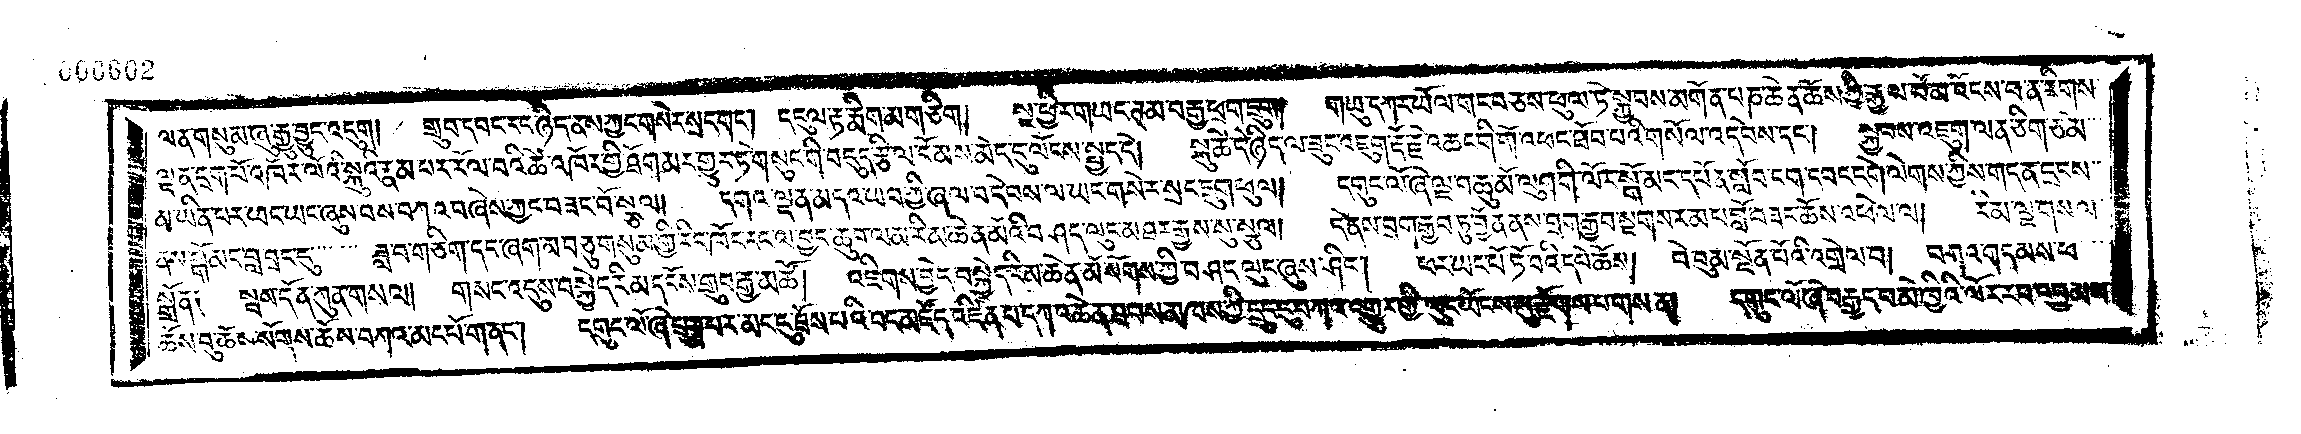ལན་གསུམ་ཞུ་རྒྱུ་བྱུང་འདུག། གྲུབ་དབང་རང་ཉིད་ནས་ཀྱང་གསེར་སྲད་གང་། དངུལ་རྟ་རྨིག་མ་གཅིག། སྔ་ཕྱིར་གཡང་ཊམ་བརྒྱ་ཕྲག་དྲུག། གཡུ་དཀར་ཡོལ་གང་བཅས་ཕུལ་ཏེ་སྐྱབས་མགོན་པཎ་ཆེན་ཆོས་ཀྱི་རྒྱལ་པོ་མ་འོངས་པ་ན་རིགས་
ལྡན་དྲག་པོ་འཁོར་ལོའི་སྐུའི་རྣམ་པར་རོལ་པའི་ཚེ་འཁོར་གྱི་ཐོག་མར་གྱུར་ཏེ་གསུང་གི་བདུད་རྩིལ་ངོམས་མེད་དུ་ལོངས་སྤྱད་དེ། སྐུ་ཚེ་དེ་ཉིད་ལ་ཟུང་འཇུག་རྡོ་རྗེ་འཆང་གི་གོ་འཕང་ཐོབ་པའི་གསོལ་འདེབས་དང་། སྐྱབས་འཇུག་ལན་ཅིག་ཙམ་
མ་ཡིན་པར་ཡང་ཡང་ཞུས་པས་བཀའ་བཞེས་ཀྱང་བཟང་པོ་སྩལ། དགའ་ལྡན་མདའ་ཡབ་ཀྱི་ཞལ་འདེབས་ལ་ཡང་གསེར་སྲང་དྲུག་ཕུལ། དགུང་ལོ་ཞེ་ལྔ་པ་ཆུ་མོ་ལུག་གི་ལོར་སྒོ་མང་དཔོན་སློབ་ངག་དབང་དགེ་ལེགས་ཀྱིས་གདན་དྲངས་
ནས་སྒོ་མང་བླ་བྲང་དུ་ཟླ་བ་གཅིག་དང་ཞག་མ་བཅུ་གསུམ་གྱི་རིང་ཁོང་རང་ལ་བྱང་ཆུབ་ལམ་རིམ་ཆེན་མོའི་བཤད་ལུང་མཐར་རྒྱས་སུ་སྩལ། དེ་ནས་བྲག་རྒྱབ་ཏུ་བྱོན་ནས་བྲག་རྒྱབ་སྔགས་རམ་པ་བློ་བཟང་ཆོས་འཕེལ་ལ། རིམ་ལྔ་གསལ་
སྒྲོན༑ སྤས་དོན་ཀུན་གསལ། གསང་འདུས་བསྐྱེད་རིམ་དངོས་གྲུབ་རྒྱ་མཚོ། འཇིགས་བྱེད་བསྐྱེད་རིམ་ཆེན་མོ་སོགས་ཀྱི་བཤད་ལུང་ཞུས་ཤིང་། ཕར་ཡང་པོ་ཏོ་བའི་དབེ་ཆོས། བེ་བུམ་སྔོན་པོའི་འགྲེལ་པ། བཀའ་གདམས་ཕ་
ཆོས་བུ་ཆོས་སོགས་ཆོས་བཀའ་མང་པོ་གནང་། དགུང་ལོ་ཞེ་དྲུག་བར་མང་དུ་ཐོས་པའི་བང་མཛོད་འཛིན་པ་དཀའ་ཆེན་ཐབས་མཁས་ཀྱི་དྲུང་དུ་བཀའ་འགྱུར་གྱི་ལུང་ཡོངས་སུ་རྫོགས་པ་གསན། དགུང་ལོ་ཞེ་བརྒྱད་པ་མེ་ཁྱིའི་ལོར་རབ་འབྱམས་